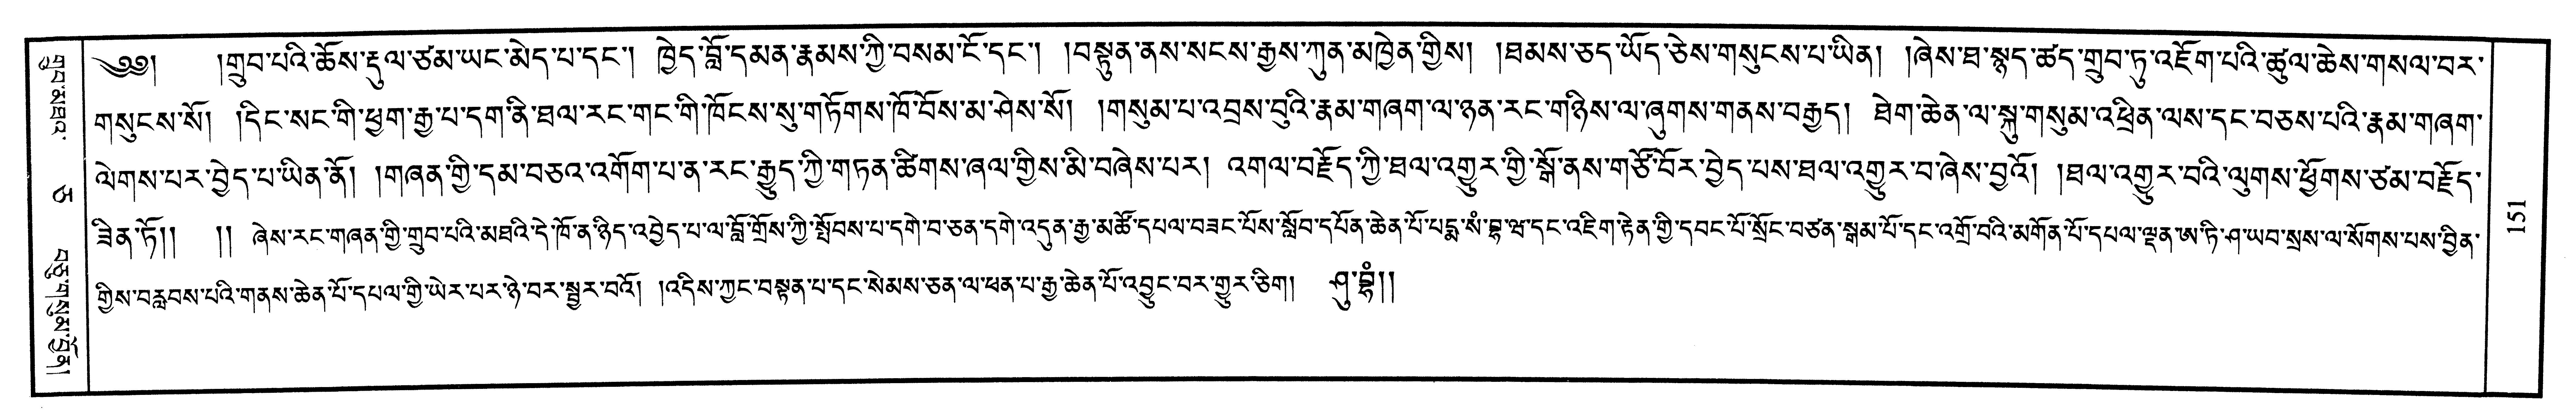༄༅། །གྲུབ་པའི་ཆོས་རྡུལ་ཙམ་ཡང་མེད་པ་དང་། ཁྱེད་བློ་དམན་རྣམས་ཀྱི་བསམ་ངོ་དང་། །བསྟུན་ནས་སངས་རྒྱས་ཀུན་མཁྱེན་གྱིས། །ཐམས་ཅད་ཡོད་ཅེས་གསུངས་པ་ཡིན། །ཞེས་ཐ་སྙད་ཚད་གྲུབ་ཏུ་འཇོག་པའི་ཚུལ་ཆེས་གསལ་བར་
གསུངས་སོ། །དིང་སང་གི་ཕྱག་རྒྱ་པ་དག་ནི་ཐལ་རང་གང་གི་ཁོངས་སུ་གཏོགས་ཁོ་བོས་མ་ཤེས་སོ། །གསུམ་པ་འབྲས་བུའི་རྣམ་གཞག་ལ་ཉན་རང་གཉིས་ལ་ཞུགས་གནས་བརྒྱད། ཐེག་ཆེན་ལ་སྐུ་གསུམ་འཕྲིན་ལས་དང་བཅས་པའི་རྣམ་གཞག་
ལེགས་པར་བྱེད་པ་ཡིན་ནོ། །གཞན་གྱི་དམ་བཅའ་འགོག་པ་ན་རང་རྒྱུད་ཀྱི་གཏན་ཚིགས་ཞལ་གྱིས་མི་བཞེས་པར། འགལ་བརྗོད་ཀྱི་ཐལ་འགྱུར་གྱི་སྒོ་ནས་གཙོ་བོར་བྱེད་པས་ཐལ་འགྱུར་བ་ཞེས་བྱའོ། །ཐལ་འགྱུར་བའི་ལུགས་ཕྱོགས་ཙམ་བརྗོད་
ཟིན་ཏོ།། །།ཞེས་རང་གཞན་གྱི་གྲུབ་པའི་མཐའི་དེ་ཁོ་ན་ཉིད་འབྱེད་པ་ལ་བློ་གྲོས་ཀྱི་སྤོབས་པ་དགེ་བ་ཅན་དགེ་འདུན་རྒྱ་མཚོ་དཔལ་བཟང་པོས་སློབ་དཔོན་ཆེན་པོ་པདམ་སཾ་བྷ་ཝ་དང་འཇིག་རྟེན་གྱི་དབང་པོ་སྲོང་བཙན་སྒམ་པོ་དང་འགྲོ་བའི་མགོན་པོ་དཔལ་ལྡན་ཨ་ཏི་ཤ་ཡབ་སྲས་ལ་སོགས་པས་བྱིན་
གྱིས་བརླབས་པའི་གནས་ཆེན་པོ་དཔལ་གྱི་ཡེར་པར་ཉེ་བར་སྦྱར་བའོ། །འདིས་ཀྱང་བསྟན་པ་དང་སེམས་ཅན་ལ་ཕན་པ་རྒྱ་ཆེན་པོ་འབྱུང་བར་གྱུར་ཅིག། ཤུ་བྷཾ།།